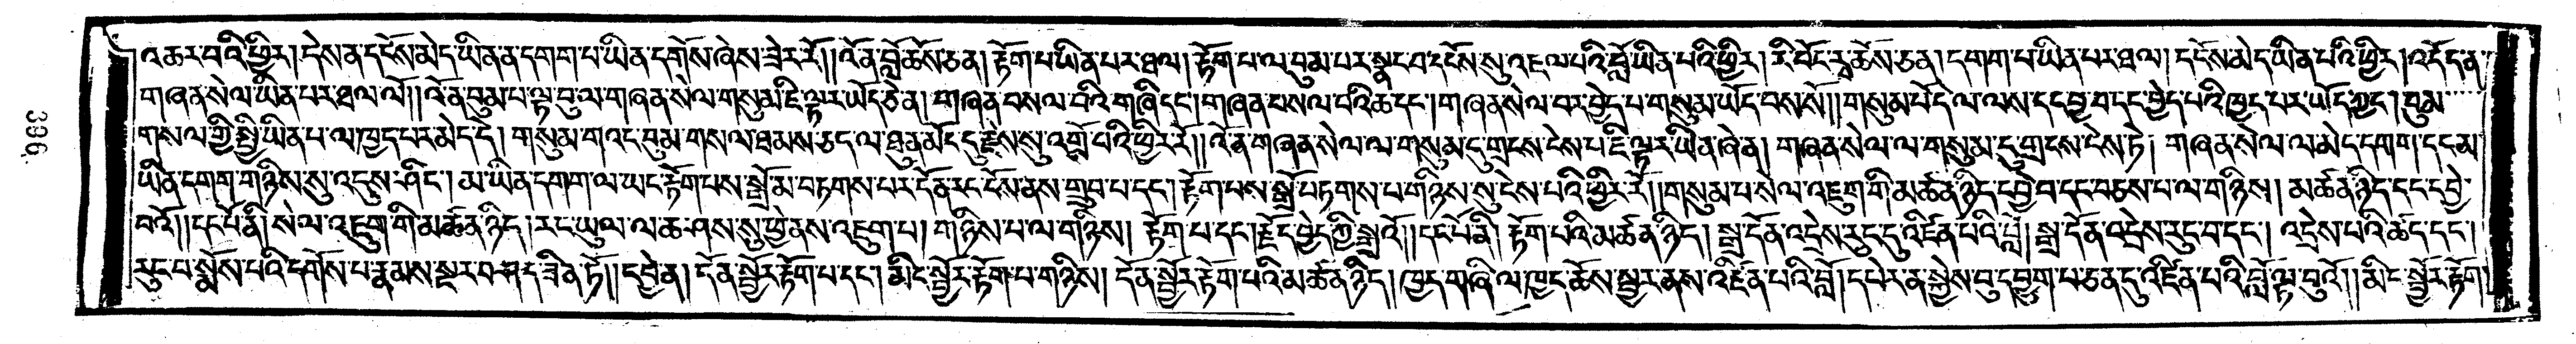འཆར་བའི་ཕྱིར། དེས་ན་དངོས་མེད་ཡིན་ན་དགག་པ་ཡིན་དགོས་ཞེས་ཟེར་རོ། །འོ་ན་བློ་ཆོས་ཅན། རྟོག་པ་ཡིན་པར་ཐལ། རྟོག་པ་ལ་བུམ་པར་སྣང་བ་དངོས་སུ་འཇལ་བའི་བློ་ཡིན་པའི་ཕྱིར། རི་བོང་རྭ་ཆོས་ཅན། དགག་པ་ཡིན་པར་ཐལ། དངོས་མེད་ཡིན་པའི་ཕྱིར། འདོད་ན་
གཞན་སེལ་ཡིན་པར་ཐལ་ལོ། །འོ་ན་བུམ་པ་ལྟ་བུ་ལ་གཞན་སེལ་གསུམ་ཇི་ལྟར་ཡོད་ཅེ་ན། གཞན་བསལ་བའི་གཞི་དང་། གཞན་བསལ་བའི་ཆ་དང་། གཞན་སེལ་བར་བྱེད་པ་གསུམ་ཡོད་པས་སོ། །གསུམ་པོ་དེ་ལ་ལས་དང་བྱ་བ་དང་བྱེད་པའི་ཁྱད་པར་ཡོད་ཀྱང་། བུམ་
གསལ་གྱི་སྤྱི་ཡིན་པ་ལ་ཁྱད་པར་མེད་དེ། གསུམ་གའང་བུམ་གསལ་ཐམས་ཅད་ལ་ཐུན་མོང་དུ་རྗེས་སུ་འགྲོ་བའི་ཕྱིར་རོ། །འོ་ན་གཞན་སེལ་ལ་གསུམ་དུ་གྲངས་ངེས་པ་ཇི་ལྟར་ཡིན་ཞེ་ན། གཞན་སེལ་ལ་གསུམ་དུ་གྲངས་ངེས་ཏེ། གཞན་སེལ་ལ་མེད་དགག་དང་མ་
ཡིན་དགག་གཉིས་སུ་འདུས་ཤིང་། མ་ཡིན་དགག་ལ་ཡང་རྟོག་པས་སྒྲོ་མ་བཏགས་པར་དོན་རང་ངོས་ནས་གྲུབ་པ་དང་། རྟོག་པས་སྒྲོ་བཏགས་པ་གཉིས་སུ་ངེས་པའི་ཕྱིར་རོ། །གསུམ་པ་སེལ་འཇུག་གི་མཚན་ཉིད་དབྱེ་བ་དང་བཅས་པ་ལ་གཉིས། མཚན་ཉིད་དང་དབྱེ་
བའོ། །དང་པོ་ནི། སེལ་འཇུག་གི་མཚན་ཉིད། རང་ཡུལ་ལ་ཆ་ཤས་སུ་ཕྱེ་ནས་འཇུག་པ། གཉིས་པ་ལ་གཉིས། རྟོག་པ་དང་། རྗོད་བྱེད་ཀྱི་སྒྲའོ། །དང་པོ་ནི། རྟོག་པའི་མཚན་ཉིད། སྒྲ་དོན་འདྲེས་རུང་དུ་འཛིན་པའི་བློ། སྒྲ་དོན་འདྲེས་རུང་བ་དང་། འདྲེས་པའི་ཚད་དང་།
རུང་བ་སྨོས་པའི་དགོས་པ་རྣམས་སྔར་བཤད་ཟིན་ཏོ། །དབྱེ་ན། དོན་སྦྱོར་རྟོག་པ་དང་། མིང་སྦྱོར་རྟོག་པ་གཉིས། དོན་སྦྱོར་རྟོག་པའི་མཚན་ཉིད། ཁྱད་གཞི་ལ་ཁྱད་ཆོས་སྦྱར་ནས་འཛིན་པའི་བློ། དཔེར་ན་སྐྱེས་བུ་དབྱུག་པ་ཅན་དུ་འཛིན་པའི་བློ་ལྟ་བུའོ། །མིང་སྦྱོར་རྟོག་